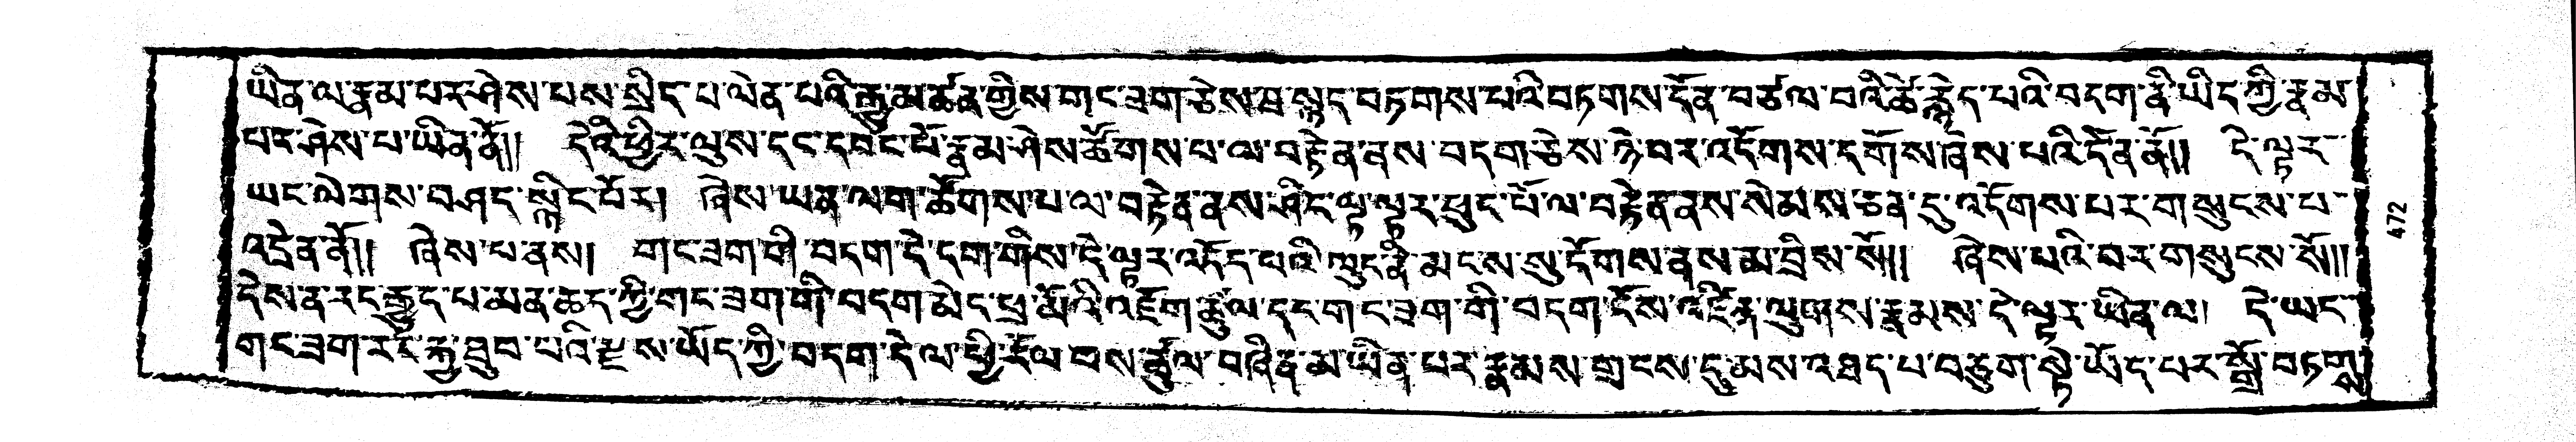ཡིན་ལ་རྣམ་པར་ཤེས་པས་སྲིད་པ་ལེན་པའི་རྒྱུ་མཚན་གྱིས་གང་ཟག་ཅེས་ཐ་སྙད་བཏགས་པའི་བཏགས་དོན་བཙལ་བའི་ཚེ་རྙེད་པའི་བདག་ནི་ཡིད་ཀྱི་རྣམ་
པར་ཤེས་པ་ཡིན་ནོ།། དེའི་ཕྱིར་ལུས་དང་དབང་པོ་རྣམ་ཤེས་ཚོགས་པ་ལ་བརྟེན་ནས་བདག་ཅེས་ཉེ་བར་འདོགས་དགོས་ཞེས་པའི་དོན་ནོ།། དེ་ལྟར་
ཡང་ལེགས་བཤད་སྙིང་པོར། ཞེས་ཡན་ལག་ཚོགས་པ་ལ་བརྟེན་ནས་ཤིང་ལྟ་ལྟར་ཕུང་པོ་ལ་བརྟེན་ནས་སེམས་ཅན་དུ་འདོགས་པར་གསུངས་པ་
འདྲེན་ནོ།། ཞེས་པ་ནས། གང་ཟག་གི་བདག་དེ་དག་གིས་དེ་ལྟར་འདོད་པའི་ལུང་ནི་མང་ས་སུ་དོགས་ནས་མ་བྲིས་སོ།། ཞེས་པའི་བར་གསུངས་སོ།།
དེས་ན་རང་རྒྱུད་པ་མན་ཆད་ཀྱི་གང་ཟག་གི་བདག་མེད་ཕྲ་མོའི་འཇོག་ཚུལ་དང་གང་ཟག་གི་བདག་ངོས་འཛིན་ལུགས་རྣམས་དེ་ལྟར་ཡིན་ལ། དེ་ཡང་
གང་ཟག་རང་རྐྱ་ཐུབ་པའི་རྫས་ཡོད་ཀྱི་བདག་དེ་ལ་ཕྱི་རོལ་བས་ཚུལ་བཞིན་མ་ཡིན་པར་རྣམས་གྲངས་དུ་མས་འཐད་པ་བཅུག་སྟེ་ཡོད་པར་སྒྲོ་བཏགས་